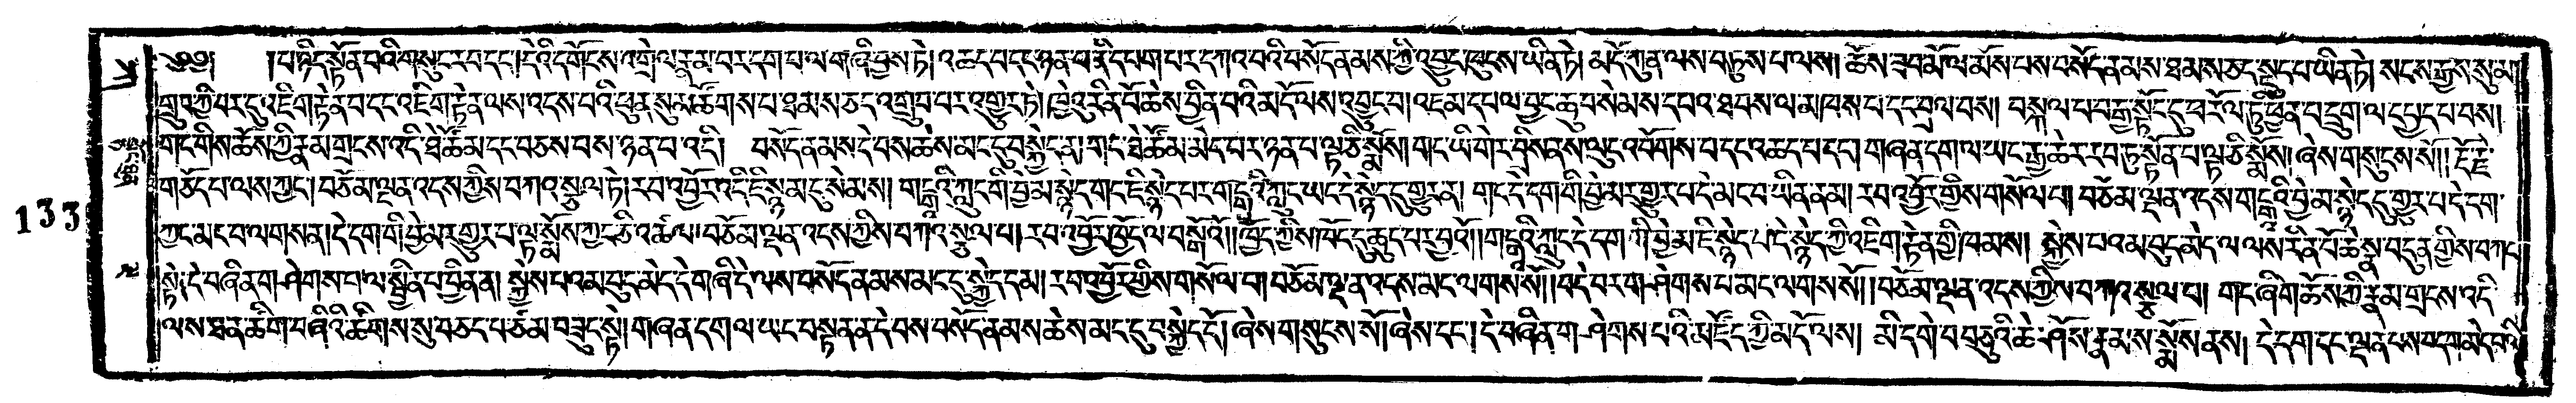༄༅། །པ་ཉིད་སྟོན་པའི་གསུང་རབ་དང་། དེའི་དགོངས་འགྲེལ་རྣམ་པར་དག་པ་ལ་གཞི་བྱས་ཏེ། འཆད་པ་དང་ཉན་པ་ནི་དཔག་པར་དཀའ་བའི་བསོད་ནམས་ཀྱི་འབྱུང་ཁུངས་ཡིན་ཏེ། མདོ་ཀུན་ལས་བཏུས་པ་ལས། ཆོས་ཟབ་མོ་ལ་མོས་པས་བསོད་ནམས་ཐམས་ཅད་སྡུད་པ་ཡིན་ཏེ། སངས་རྒྱས་སུམ་
གྲུབ་ཀྱི་བར་དུ་འཇིག་རྟེན་པ་དང་འཇིག་རྟེན་ལས་འདས་པའི་ཕུན་སུམ་ཚོགས་པ་ཐམས་ཅད་འགྲུབ་བར་འགྱུར་ཏེ། ཁྱེའུ་རིན་པོ་ཆེས་བྱིན་པའི་མདོ་ལས་འབྱུང་བ། འཇམ་དཔལ་བྱང་ཆུབ་སེམས་དཔའ་ཐབས་ལ་མཁས་པ་དང་བྲལ་བས། བསྐལ་པ་བརྒྱ་སྟོང་དུ་ཕ་རོལ་ཏུ་ཕྱིན་པ་དྲུག་ལ་དཔྱད་པ་བས།
གང་གིས་ཆོས་ཀྱི་རྣམ་གྲངས་འདི་ཐེ་ཚོམ་དང་བཅས་པས་ཉན་པ་འདི། བསོད་ནམས་དེ་བས་ཆེས་མང་དུ་བསྐྱེད་ན། གང་ཐེ་ཚོམ་མེད་པར་ཉན་པ་ལྟ་ཅི་སྨོས། གང་ཡི་གེར་བྲིས་ནས་ལུང་འབོགས་པ་དང་འཆད་པ་དང་། གཞན་དག་ལ་ཡང་རྒྱ་ཆེར་རབ་ཏུ་སྟོན་པ་ལྟ་ཅི་སྨོས། ཞེས་གསུངས་སོ། །རྡོ་རྗེ་
གཅོད་པ་ལས་ཀྱང་། བཅོམ་ལྡན་འདས་ཀྱིས་བཀའ་སྩལ་ཏེ། རབ་འབྱོར་འདི་ཇི་སྙམ་དུ་སེམས། གངྒཱའི་ཀླུང་གི་བྱེ་མ་སྙེད་གང་ཇི་སྙེད་པར་གངྒཱའི་ཀླུང་ཡང་དེ་སྙེད་དུ་གྱུར་ན། གང་དེ་དག་གི་བྱེ་མར་གྱུར་པ་དེ་མང་བ་ཡིན་ནམ། རབ་འབྱོར་གྱིས་གསོལ་པ། བཅོམ་ལྡན་འདས་གངྒཱའི་བྱེ་མ་སྙེད་དུ་གྱུར་པ་དེ་དག་
ཀྱང་མང་བ་ལགས་ན། དེ་དག་གི་བྱེ་མར་གྱུར་པ་ལྟ་སྨོས་ཀྱང་ཅི་འཚལ། བཅོམ་ལྡན་འདས་ཀྱིས་བཀའ་སྩལ་པ། རབ་འབྱོར་ཁྱོད་ལ་བསྒོའོ། །ཁྱོད་ཀྱིས་ཁོང་དུ་ཆུད་པར་བྱའོ། །གངྒཱའི་ཀླུང་དེ་དག་གི་བྱེ་མ་ཇི་སྙེད་པ་དེ་སྙེད་ཀྱི་འཇིག་རྟེན་གྱི་ཁམས། སྐྱེས་པའམ་བུད་མེད་ལ་ལས་རིན་པོ་ཆེ་སྣ་བདུན་གྱིས་བཀའ་
སྟེ༑ དེ་བཞིན་གཤེགས་པ་ལ་སྦྱིན་པ་བྱིན་ན། སྐྱེས་པའམ་བུད་མེད་དེ་གཞི་དེ་ལས་བསོད་ནམས་མང་དུ་སྐྱེད་དམ། རབ་འབྱོར་གྱིས་གསོལ་བ། བཅོམ་ལྡན་འདས་མང་ལགས་སོ། །བདེ་བར་གཤེགས་པ་མང་ལགས་སོ། །བཅོམ་ལྡན་འདས་ཀྱིས་བཀའ་སྩལ་པ། གང་ཞིག་ཆོས་ཀྱི་རྣམ་གྲངས་འདི་
ལས་ཐན་ཚིག་བཞིའི་ཚིགས་སུ་བཅད་པ་ཙམ་བཟུང་སྟེ། གཞན་དག་ལ་ཡང་བསྟན་ན་དེ་བས་བསོད་ནམས་ཆེས་མང་དུ་བསྐྱེད་དོ། ཞེས་གསུངས་སོ། ཞེས་དང་། དེ་བཞིན་གཤེགས་པའི་མཛོད་ཀྱི་མདོ་ལས། མི་དགེ་བ་བཅུའི་ཆེ་ཤོས་རྣམས་སྨོས་ནས། དེ་དག་དང་ལྡན་པས་བདག་མེད་པའི་